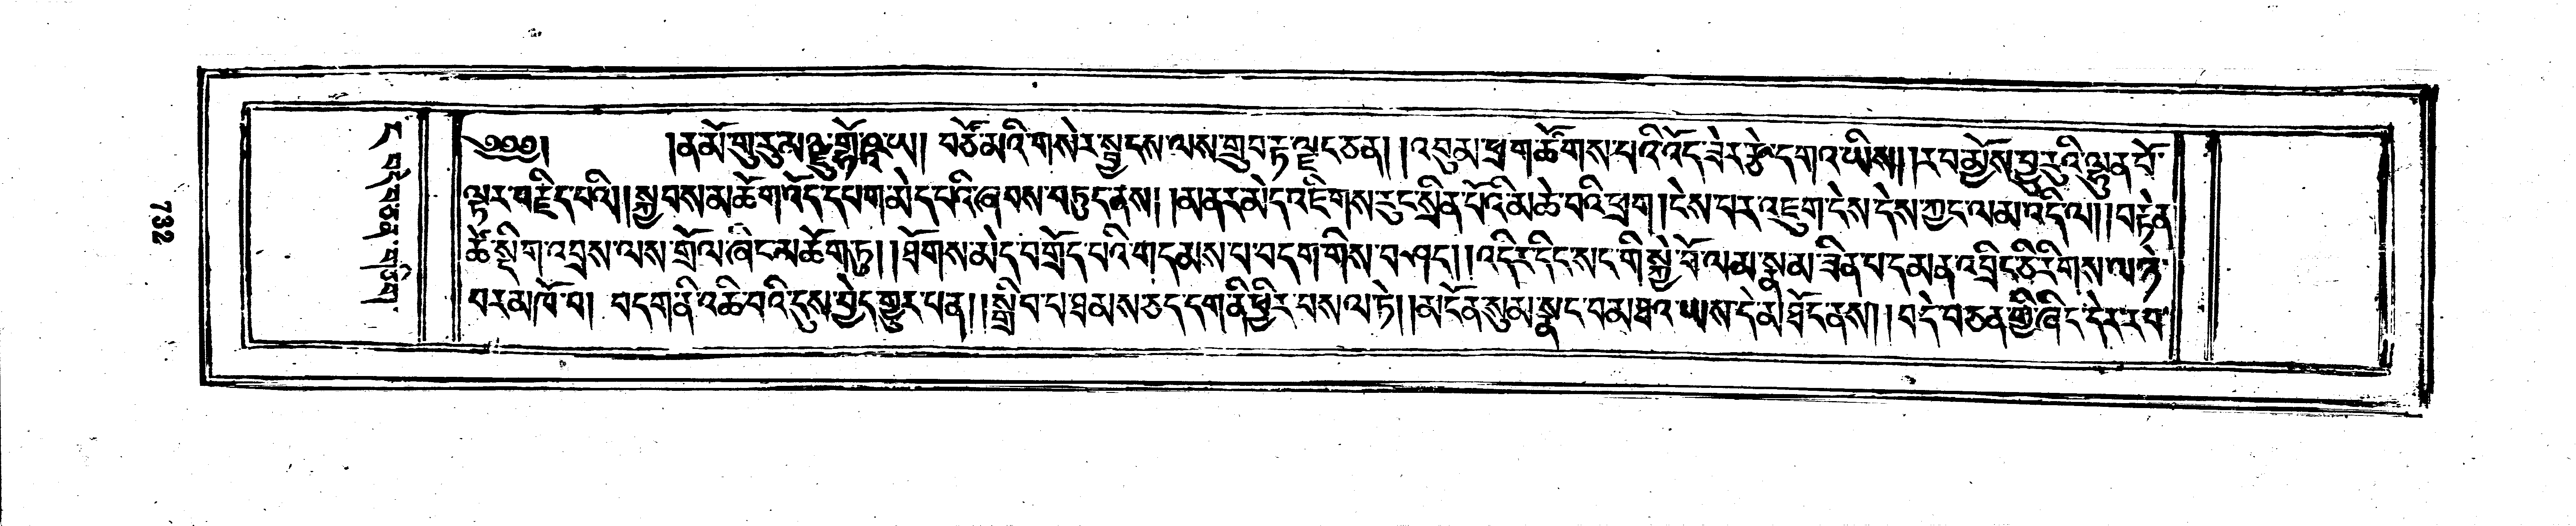༄༅༅། །ན་མོ་གུ་རུ་མཉྫུ་གྷོ་ཥཱ་ཡ། བཙོ་མའི་གསེར་སྦྱངས་ལས་གྲུབ་རྟ་ལྗང་ཅན། །འབུམ་ཕྲག་ཚོགས་པའི་འོད་ཟེར་རྩེ་དགའ་ཡིས། །རབ་མྱོས་བྱུ་རུའི་ལྷུན་པོ་
ལྟར་བརྗིད་པའི། །སྐྱབས་མཆོག་འོད་དཔག་མེད་པའི་ཞབས་བཏུད་ནས། །མནར་མེད་འཇིགས་རུང་སྲིན་པོའི་མཆེ་བའི་ཕྲག །ངེས་པར་འཇུག་ངེས་དེས་ཀྱང་ལམ་འདི་ལ། །བརྟེན་
ཚེ་སྡིག་འབྲས་ལས་གྲོལ་ཞིང་མཆོག་ཏུ། །ཐོགས་མེད་བགྲོད་པའི་གདམས་པ་བདག་གིས་བཤད། །འདིར་དིང་སང་གི་སྐྱེ་བོ་ལམ་སྣ་མ་ཟིན་པ་དམན་འབྲིང་ཅི་རིགས་ལ་ཉེ་
བར་མཁོ་བ། བདག་ནི་འཆི་བའི་དུས་བྱེད་གྱུར་པ་ན། །སྒྲིབ་པ་ཐམས་ཅད་དག་ནི་ཕྱིར་བསལ་ཏེ། །མངོན་སུམ་སྣང་བ་མཐའ་ཡས་དེ་མཐོང་ནས། །བདེ་བ་ཅན་གྱི་ཞིང་དེར་རབ་